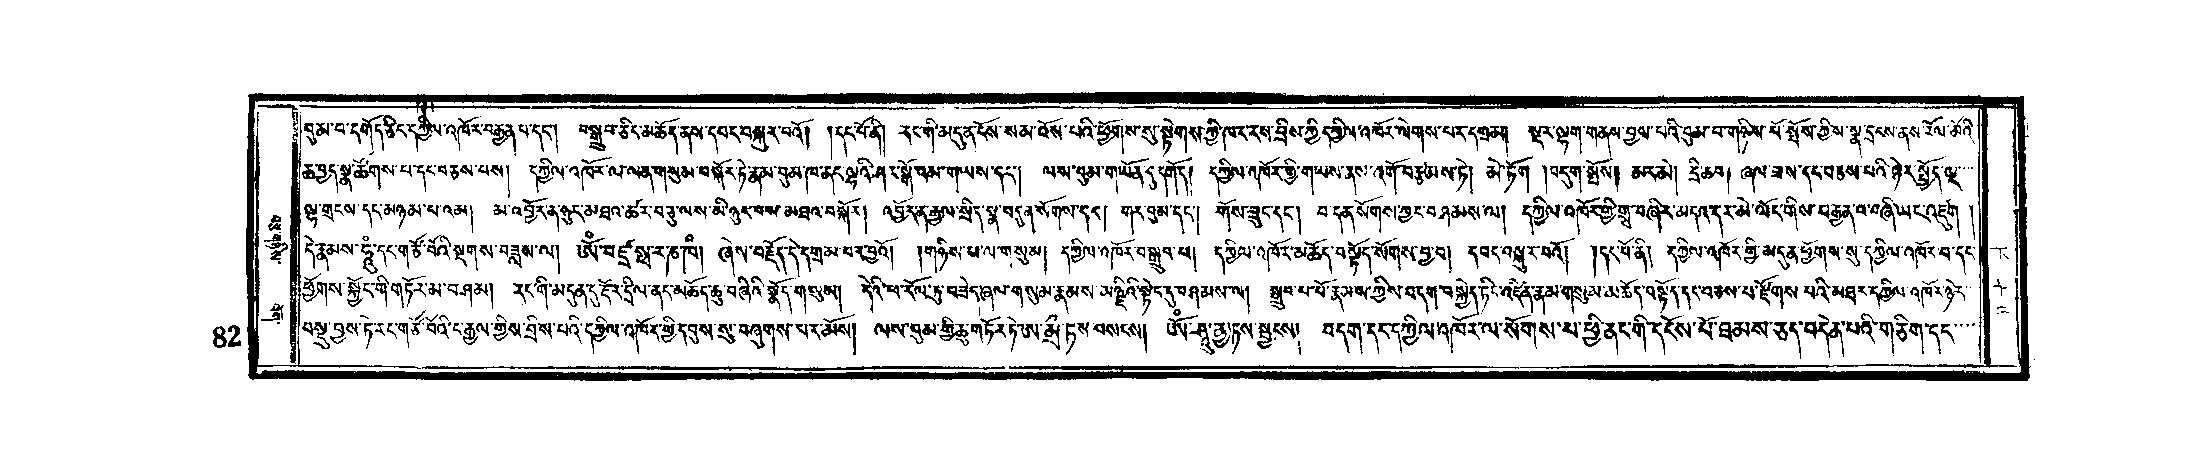བུམ་བ་དགོད་ཅིང་དཀྱིལ་འཁོར་བརྒྱན་པ་དང་། བསྒྲུབ་ཅིང་མཆོད་ནས་དབང་བསྐུར་བའོ། །དང་པོ་ནི། རང་གི་མདུན་ངོས་སམ་འོས་པའི་ཕྱོགས་སུ་སྟེགས་ཀྱི་ཁར་རས་བྲིས་ཀྱི་དཀྱིལ་འཁོར་ལེགས་པར་དགྲམ། སྔར་ལྷག་གནས་བྱས་པའི་བུམ་པ་གཉིས་པོ་སྤོས་ཀྱིས་སྣ་དྲངས་ནས་རོལ་མོའི་
ཆ་བྱད་སྣ་ཚོགས་པ་དང་བཅས་པས། དཀྱིལ་འཁོར་ལ་ལན་གསུམ་བསྐོར་ཏེ་རྣམ་བུམ་ཁ་ནང་ལྷའི་ཤར་སྒོ་འམ་གཡས་དང་། ལས་བུམ་གཡོན་དུ་དགོད། དཀྱིལ་འཁོར་གྱི་གཡས་ནས་འགོ་བརྩམས་ཏེ། མེ་ཏོག །བདུག་སྤོས། མར་མེ། དྲི་ཆབ། ཞལ་ཟས་དང་བཅས་པའི་ཉེར་སྤྱོད་ལྔ་
ལྷ་གྲངས་དང་མཉམ་པ་འམ། མ་འབྱོར་ན་ཉུང་མཐའ་ཚར་བཅུ་ལས་མི་ཉུང་བས་མཐའ་བསྐོར། འབྱོར་ན་རྒྱལ་སྲིད་སྣ་བདུན་སོགས་དང་། གར་བུམ་དང་། གོས་ཟུང་དང་། བ་དན་སོགས་ཀྱང་བཤམས་ལ། དཀྱིལ་འཁོར་གྱི་གྲྭ་བཞིར་མདའ་དར་མེ་ལོང་གིས་བརྒྱན་བ་བཞི་ཡང་འཛུག །
དེ་རྣམས་ཧཱུཾ་དང་གཙོ་བོའི་སྔགས་བཟླས་ལ། ཨོཾ་བཛྲ་སྥ་ར་ཎ་ཁཾ། ཞེས་བརྗོད་དེ་དགྲམ་པར་བྱའོ། །གཉིས་པ་ལ་གསུམ། དཀྱིལ་འཁོར་བསྒྲུབ་པ། དཀྱིལ་འཁོར་མཆོད་བསྟོད་སོགས་བྱ་བ། དབང་བསྐུར་བའོ། །དང་པོ་ནི། དཀྱིལ་འཁོར་གྱི་མདུན་ཕྱོགས་སུ་དཀྱིལ་འཁོར་བ་དང་
ཕྱོགས་སྐྱོང་གི་གཏོར་མ་བཤམ། རང་གི་མདུན་དུ་རྡོར་དྲིལ་ནང་མཆོད་ཆུ་བཞིའི་སྣོད་གསུམ། དེའི་ཕ་རོལ་ཏུ་བཟེད་ཞལ་གསུམ་རྣམས་མཉྫིའི་སྟེང་དུ་བཤམས་ལ། སྒྲུབ་པ་པོ་རྣམས་ཀྱིས་བདག་བསྐྱེད་ཏིང་འཛིན་རྣམ་གསུམ་མཆོད་བསྟོད་དང་བཅས་པ་རྫོགས་པའི་མཐར་དཀྱིལ་འཁོར་ཉེར་
བསྡུ་བྱས་ཏེ་རང་གཙོ་བོའི་ང་རྒྱལ་གྱིས་བྲིས་པའི་དཀྱིལ་འཁོར་གྱི་དབུས་སུ་བཞུགས་པར་མོས། ལས་བུམ་གྱི་ཆུ་གཏོར་ཏེ་ཨ་མྲྀ་ཏས་བསངས། ཨོཾ་ཤཱུ་ནྱ་ཏས་སྦྱངས། བདག་དང་དཀྱིལ་འཁོར་ལ་སོགས་པ་ཕྱི་ནང་གི་དངོས་པོ་ཐམས་ཅད་བདེན་པའི་གཅིག་དང་